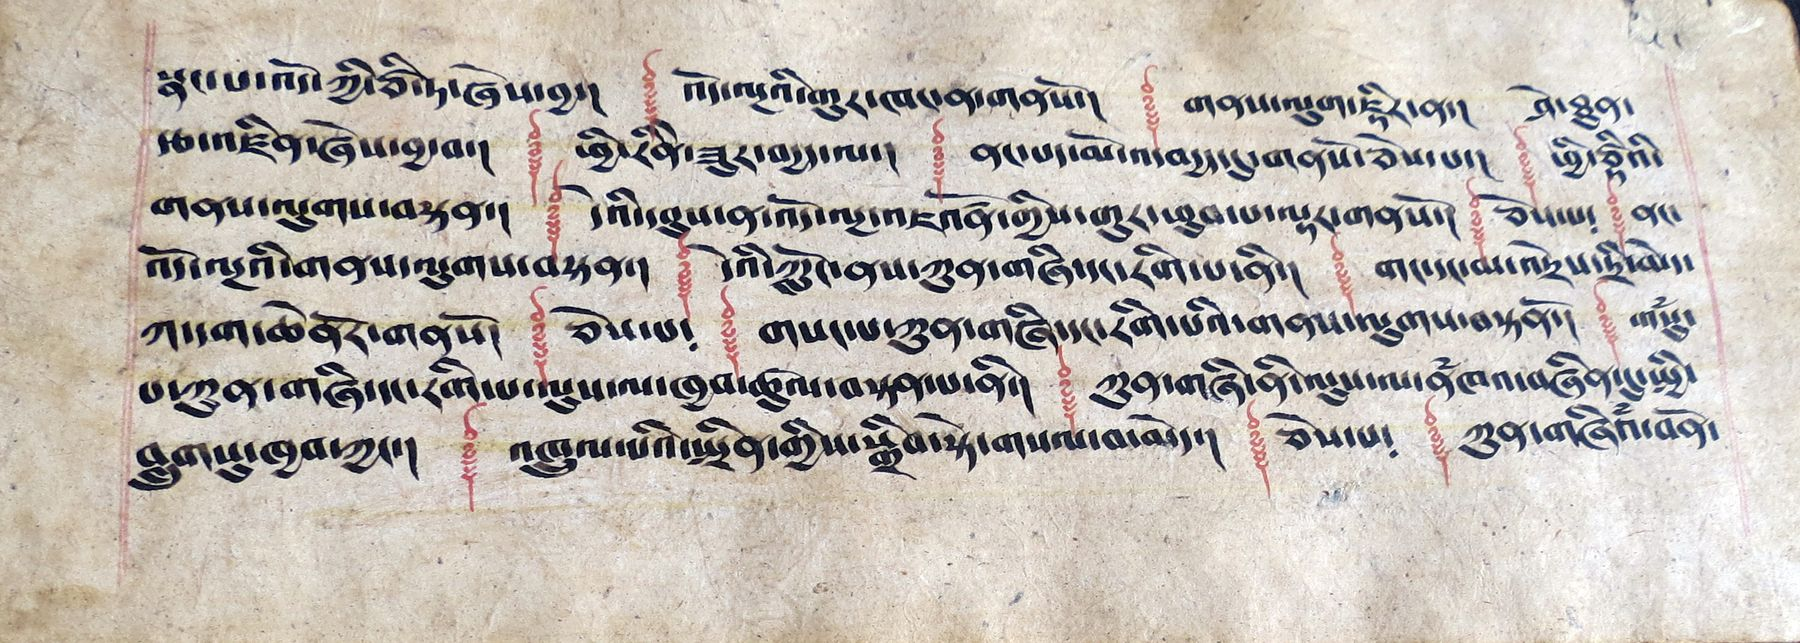སྣང་བ་འོད་ཀྱི་ཙི་ཏ་ཞེས་བྱ་བ། འོད་ལྔའི་གུར་ཁང་ན་གནས་སོ། །གནས་ལུགས་ཇི་ལྟར་ན། ཤེ་ཐུན་
རྩ་འཛིན་ཞེས་བྱ་བ། ཕྱི་རིན་ཆེན་ཟུར་བརྒྱད་ལ། ནང་པདྨ་འདབ་བརྒྱད་དུ་གནས་སོ་ཞེས་པས། ཕྱི་ཙི་ཏའི་
གནས་ལུགས་བསྟན། དེའི་དབུས་ན་འོད་ལྔ་འཇའ་ཚོན་གྱི་གུར་ཕུབ་པ་ལྟར་གནས་སོ། །ཞེས་པས། ནང་
འོད་ལྔའི་གནས་ལུགས་བསྟན། དེའི་ཀློང་ན་ཀུན་གཞི་དང་རིག་པ་ནི། གང་དང་མ་འདྲེས་དྲི་མེད་
ཀ་དག་ཆེན་པོར་གནས་སོ། །ཞེས་པས། གསང་བ་ཀུན་གཞི་དང་རིག་པའི་གནས་ལུགས་བསྟན་ཏོ། །གསུམ་
པ་ཀུན་གཞི་དང་རིག་པ་ལུས་ལ་ཁྱབ་ཚུལ་བསྟན་པ་ནི། ཀུན་གཞི་ནི་ལུས་ལ་ནམ་མཁའ་བཞིན་དུ་སྤྱི་
བླུགས་སུ་ཁྱབ་ཀྱང་། འཁྲུལ་པའི་སྤྲིན་གྱིས་སྒྲིབ་སྟེ་གསལ་བ་མེད། །ཅེས་པས་ཀུན་གཞིའམ་བོན་